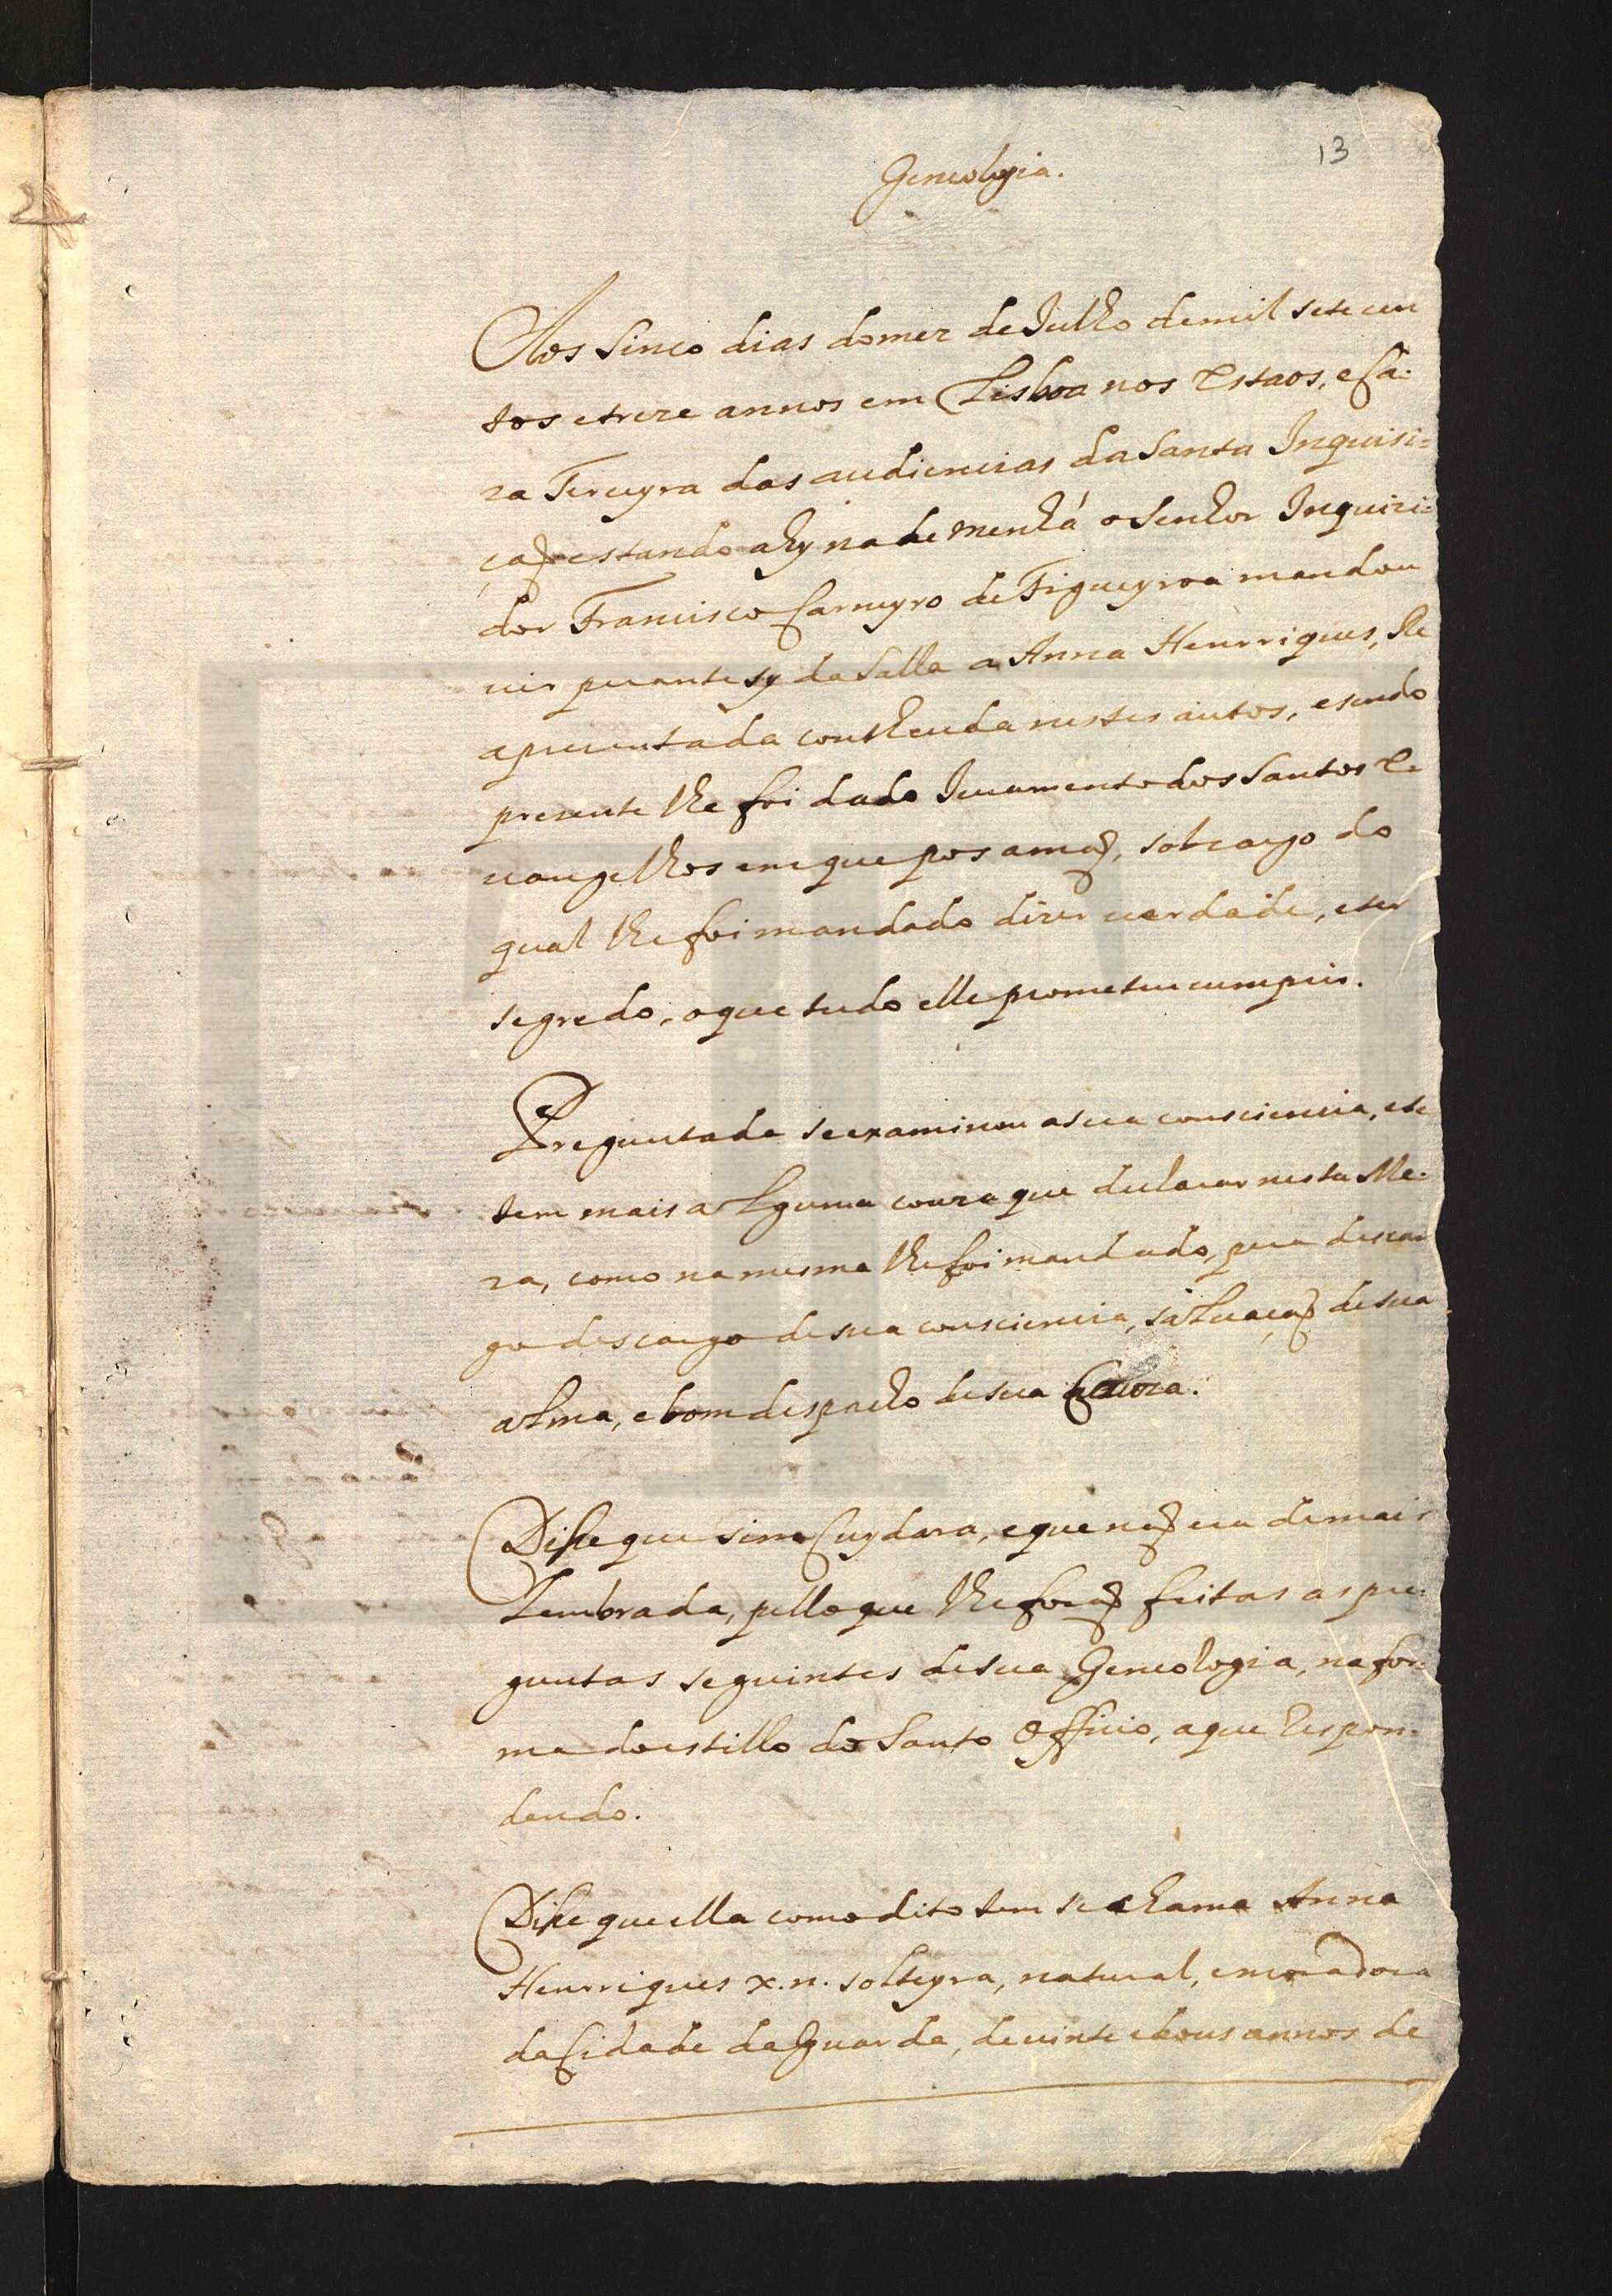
Geneologia.
Aos sinco dias do mez de Iulho de mil setecen
tos e treze annos em Lisboa nos Estaos, e Ca
za Terceyra das audiencias da Santa Inquisi
çaõ estando ahy na de menhã o Senhor Inquizi
dor Francisco Carneyro de Figueyroa mandou
uir perante sy da Salla a Anna Henrriques, Re
aprezentada contheuda nestes autos, e sendo
prezente lhe foi dado Iuramento dos santos E
uangelhos em que pos a maõ, sob cargo do
qual lhe foi mandado dizer uerdade, e ter
segredo, o que tudo elle prometeu cumprir.
Preguntada se examinou a sua consciencia, e se
tem mais alguma couza que declarar nesta Me
za, como na mesma lhe foi mandado, pera descar
go descargo de sua consciencia, saluaçaõ de sua
alma, e bom despacho de sua
Disse que sim Cuydara, e que naõ era de mais
Lembrada, pello que lhe foraõ feitas as pre
guntas seguintes de sua Geneologia, na for
ma do estillo do Santo Officio, a que Respon
dendo.
Disse que ella como dito tem se chama Anna
Henrriques x. n. solteyra, natural, e moradora
da Cidade da Guarda, de uinte e dous annos de
